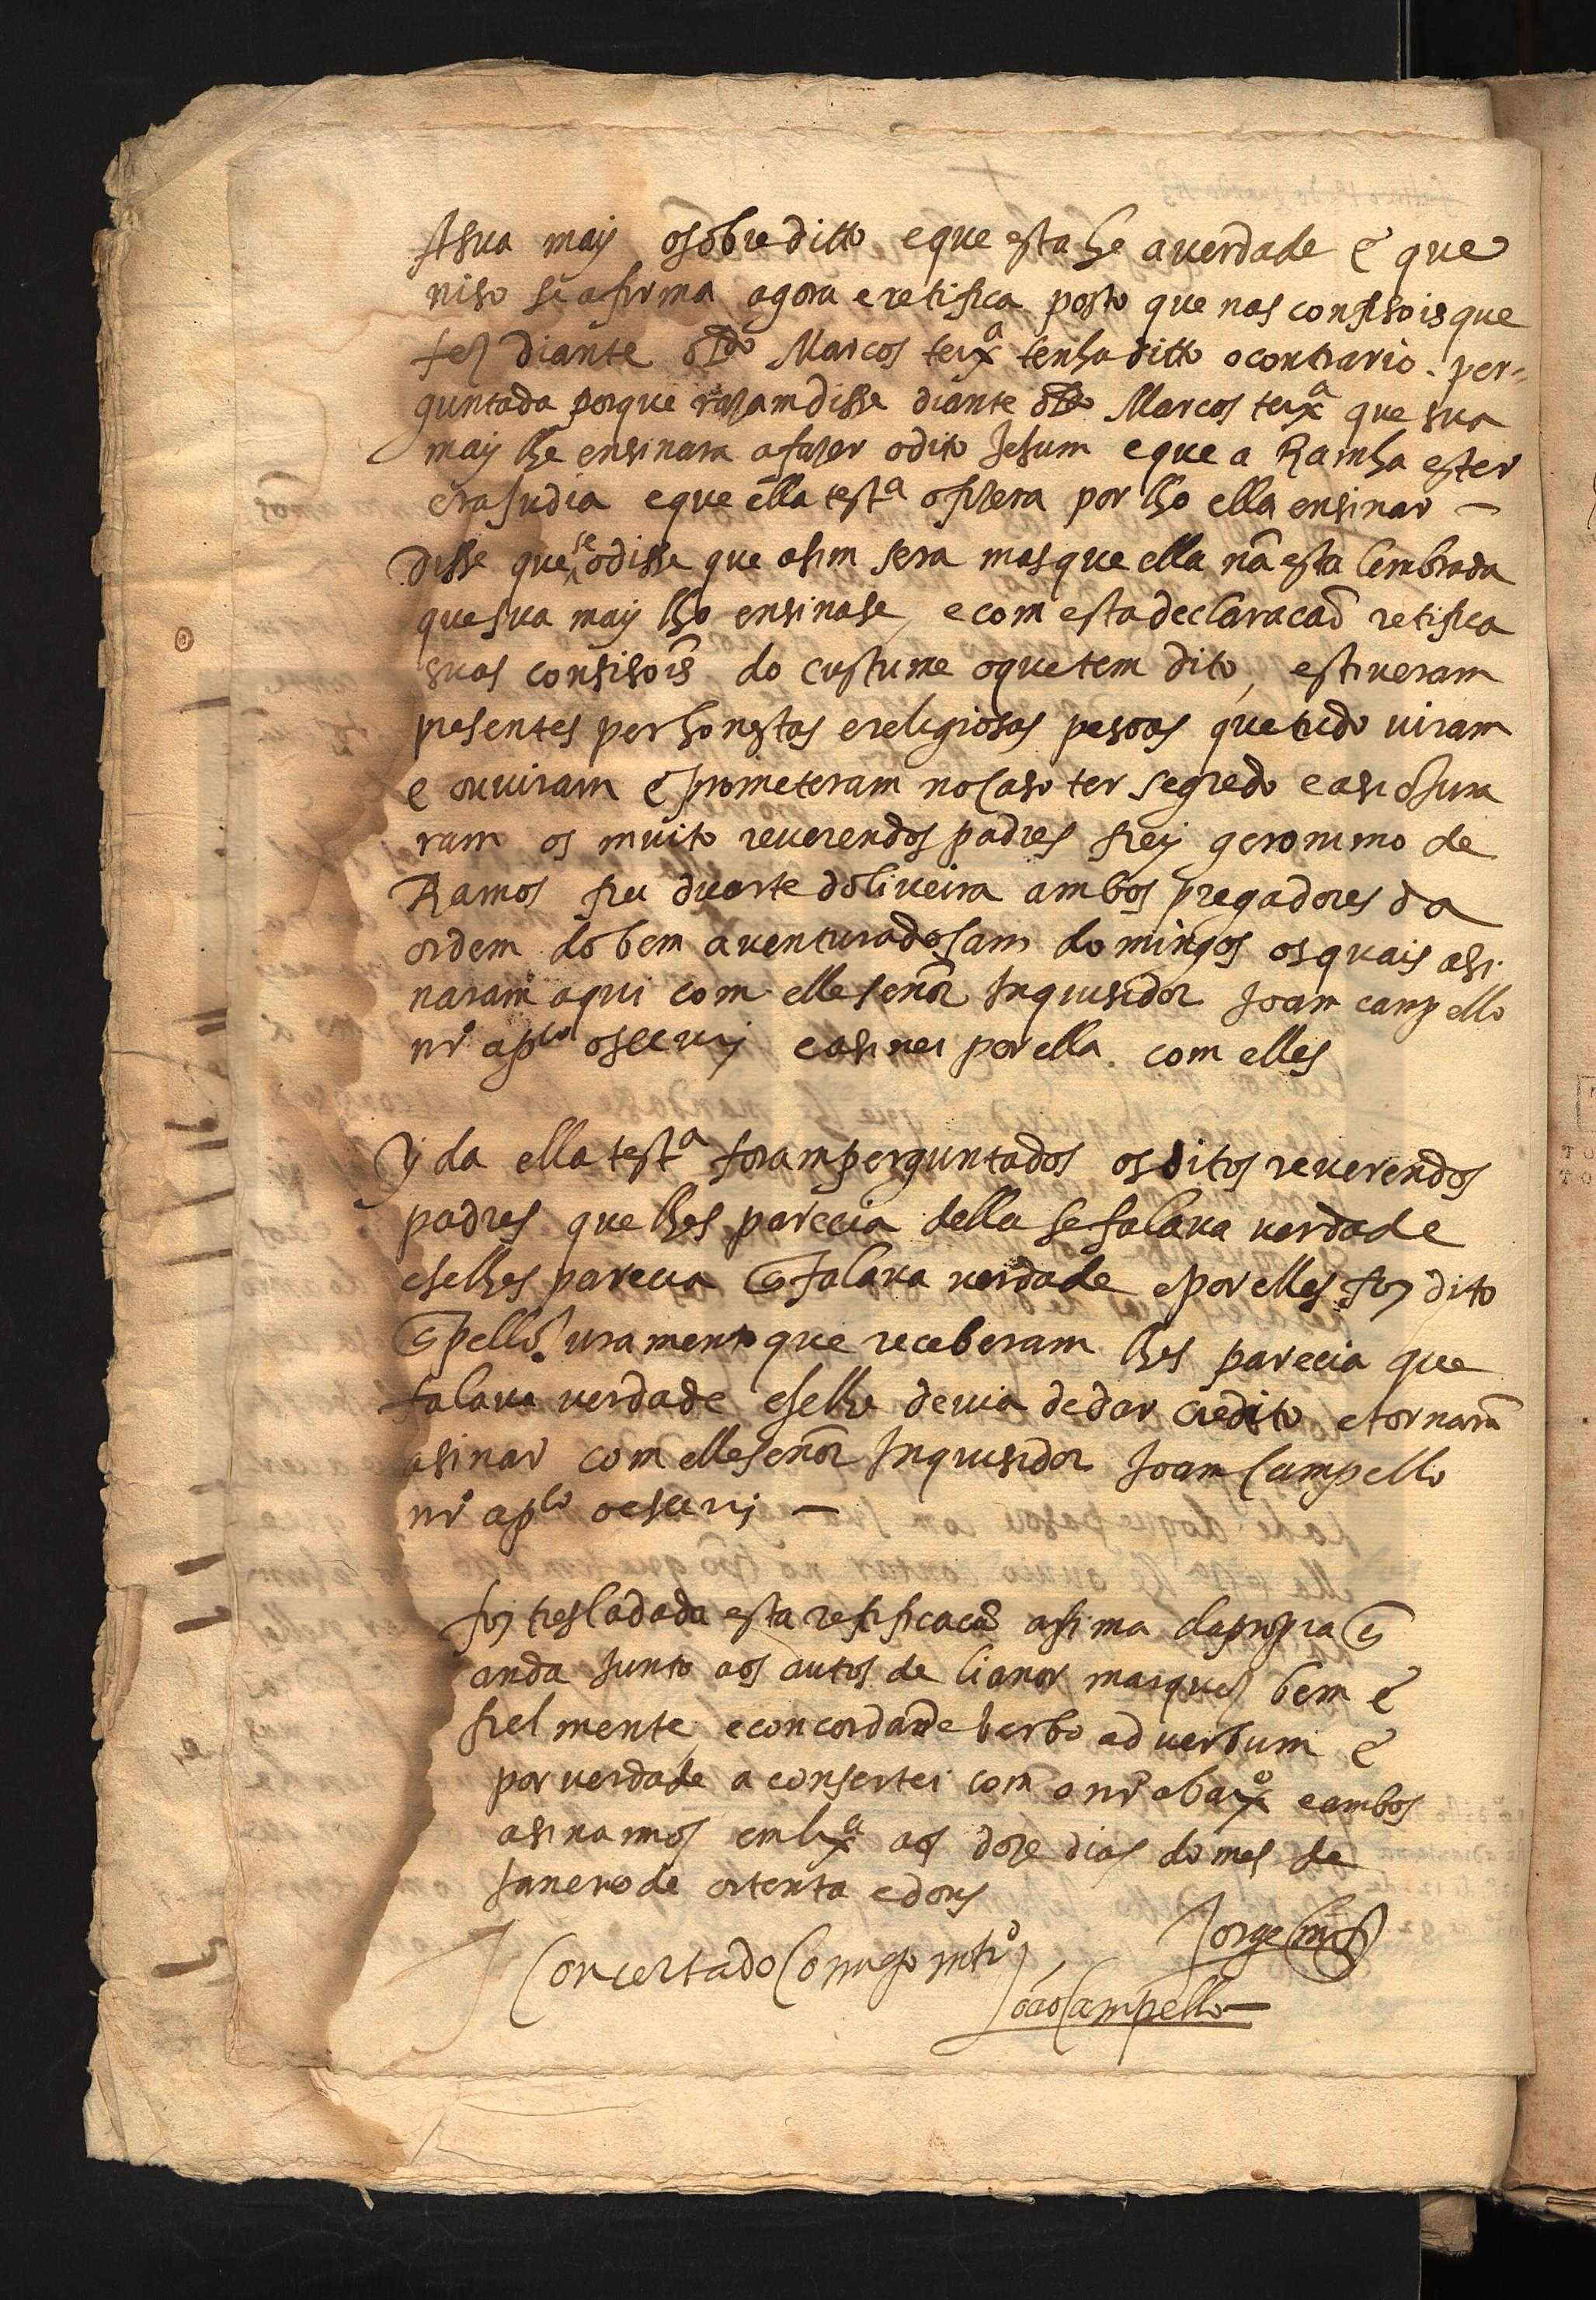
A sua may o sobreditto e que esta he a uerdade e que
niso se afirma agora e retifica posto que nas confissois que
fez diante o Ldo Marcos teixa tenha ditto o contrario per
guntada porque razam disse diante o Ldo Marcos teixa que sua
may lhe ensinara a fazer o dito Jejum e que a Rainha ester
era Judia e que ella testa o fizera por lho ella ensinar
disse que
se
o disse que asim sera mas que ella nā esta lembrada
que sua may lho ensinase e com esta declaração retifica
suas confisoĩs do custume o que tem dito, estiueram
presentes per honestas e religiosas pesoas que tudo uiram
e ouuiram e prometeram no Caso ter segredo e asi o Jura
ram os muito reuerendos padres frey geronimo de
Ramos frei duarte doliueira ambos pregadores da
ordem do bem auenturado sam domingos os quais asi
naram aqui com elle sen̄or Inquisidor Joam campello
nro apco o sceuy e asinei por ella com elles
Yda ella testa foram perguntados os ditos reuerendos
padres que lhes parecia della se falaua uerdade
e se lhes parecia q̄ falaua uerdade e por elles foj dito
q̄ pello Iuramento que receberam lhes parecia que
falaua uerdade e se lhe deuia de dar credito e tornarā
asinar com elle sen̄or Inquisidor Joam Campello
nro apco o escruj
foy tresladada esta retificação asima da propia q̄
anda junto aos autos de lianor marquez bem e
fielmente e concorda de verbo ad uerbum e
por uerdade a consertei com o nro abaxo e ambos
asinamos em lixa aos doze dias do mes de
Janero de oitenta e dous
Jorge mīz
Concertado Comigo notro
João Campello
